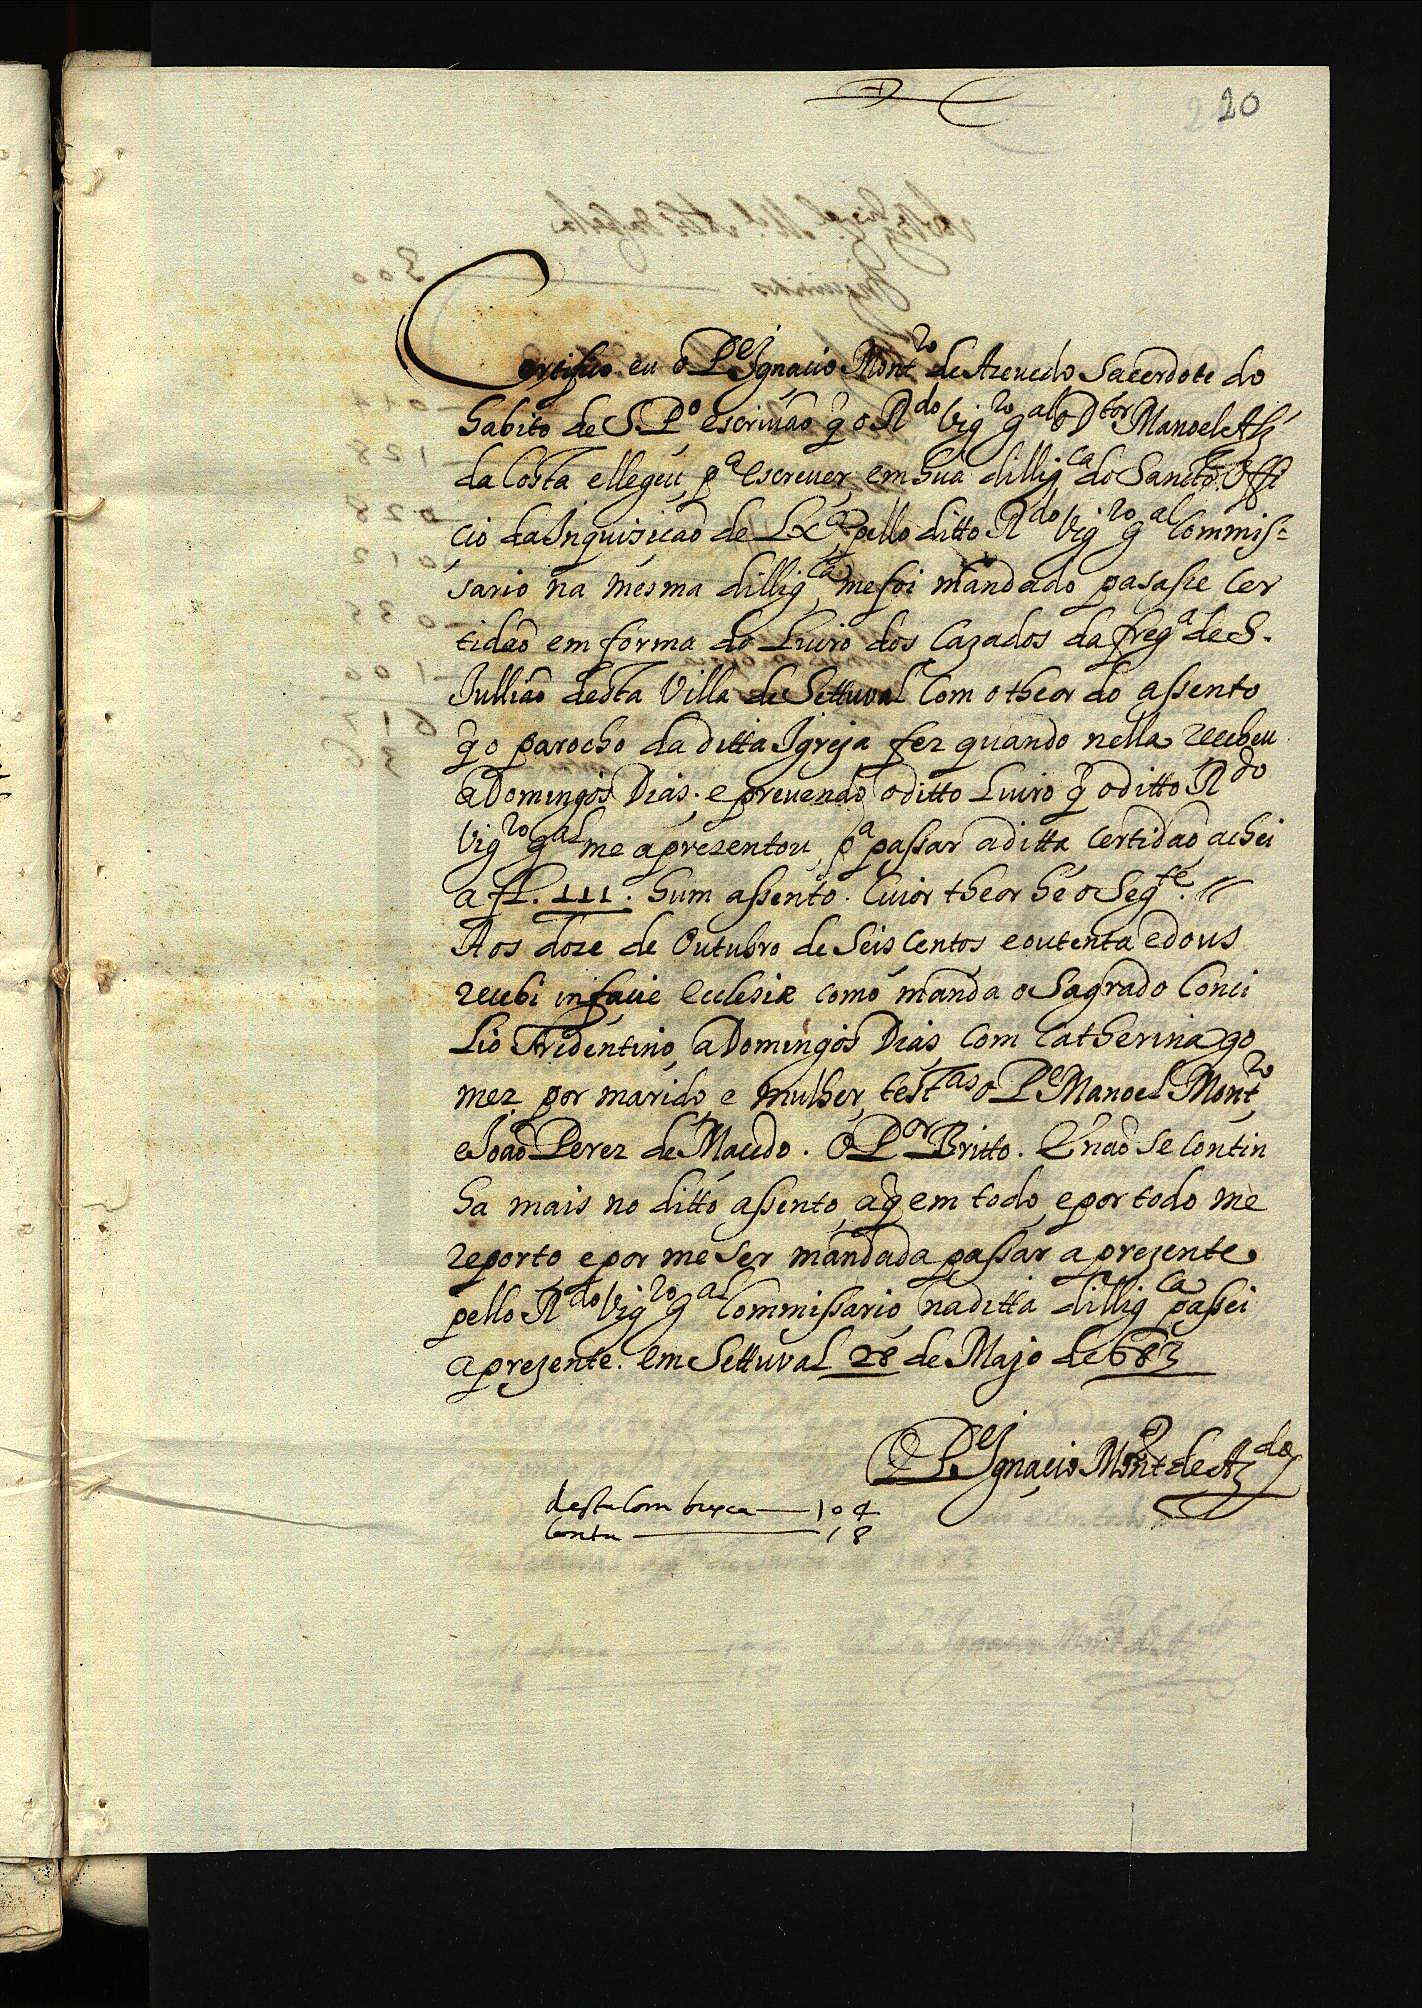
Certifico eu o P.e Ignacio Montro de Azeuedo Sacerdote do
habito de S. Po, escriuão q̄ o Rdo Vigro gal o Dtor Manoel Alz̄
da Costa ellegeu, pa escreuer, em hūa dilligca do Sancto Offi
cio da Inquisiçaõ de Lxa, pello ditto Rdo Vigro gal Commis
sario na mesma dilligca, me foi mandado pasasse cer
tidaõ em forma do Liuro dos Cazados da frega de S.
Iullião desta Villa de Settuval com o theor do assento
q̄ o parocho da ditta Igreja fez quando nella recebeu
a Domingos Dias; e preuendo o ditto Liuro q̄ o ditto Rdo
vigro gal me apresentou, pa passar a ditta certidaõ, achei
a fL. 111. hum assento. Cuior theor he o segte. //
Aos doze de Outubro de Seiscentos e outenta e dous
recebi in facie ecclesiæ como manda o Sagrado Conci
Lio Tridentino, a Domingos Dias, com Catherina go
mez por marido, e mulher, testas o Pe Manoel Montro
e Ioaõ Perez de Macedo. O Por Britto. E naõ se contin
ha mais no ditto assento, a q̄ em todo, e por todo me
reporto, e por me ser mandada passar a prezente
pello Rdo Vigro Gal Commissario na ditta dillig.ca passei
a prezente em Settuval 28 de Majo de 683
O Pe Ignacio Mont̄ de Azdo
desta com busca - 104
conta - 18
